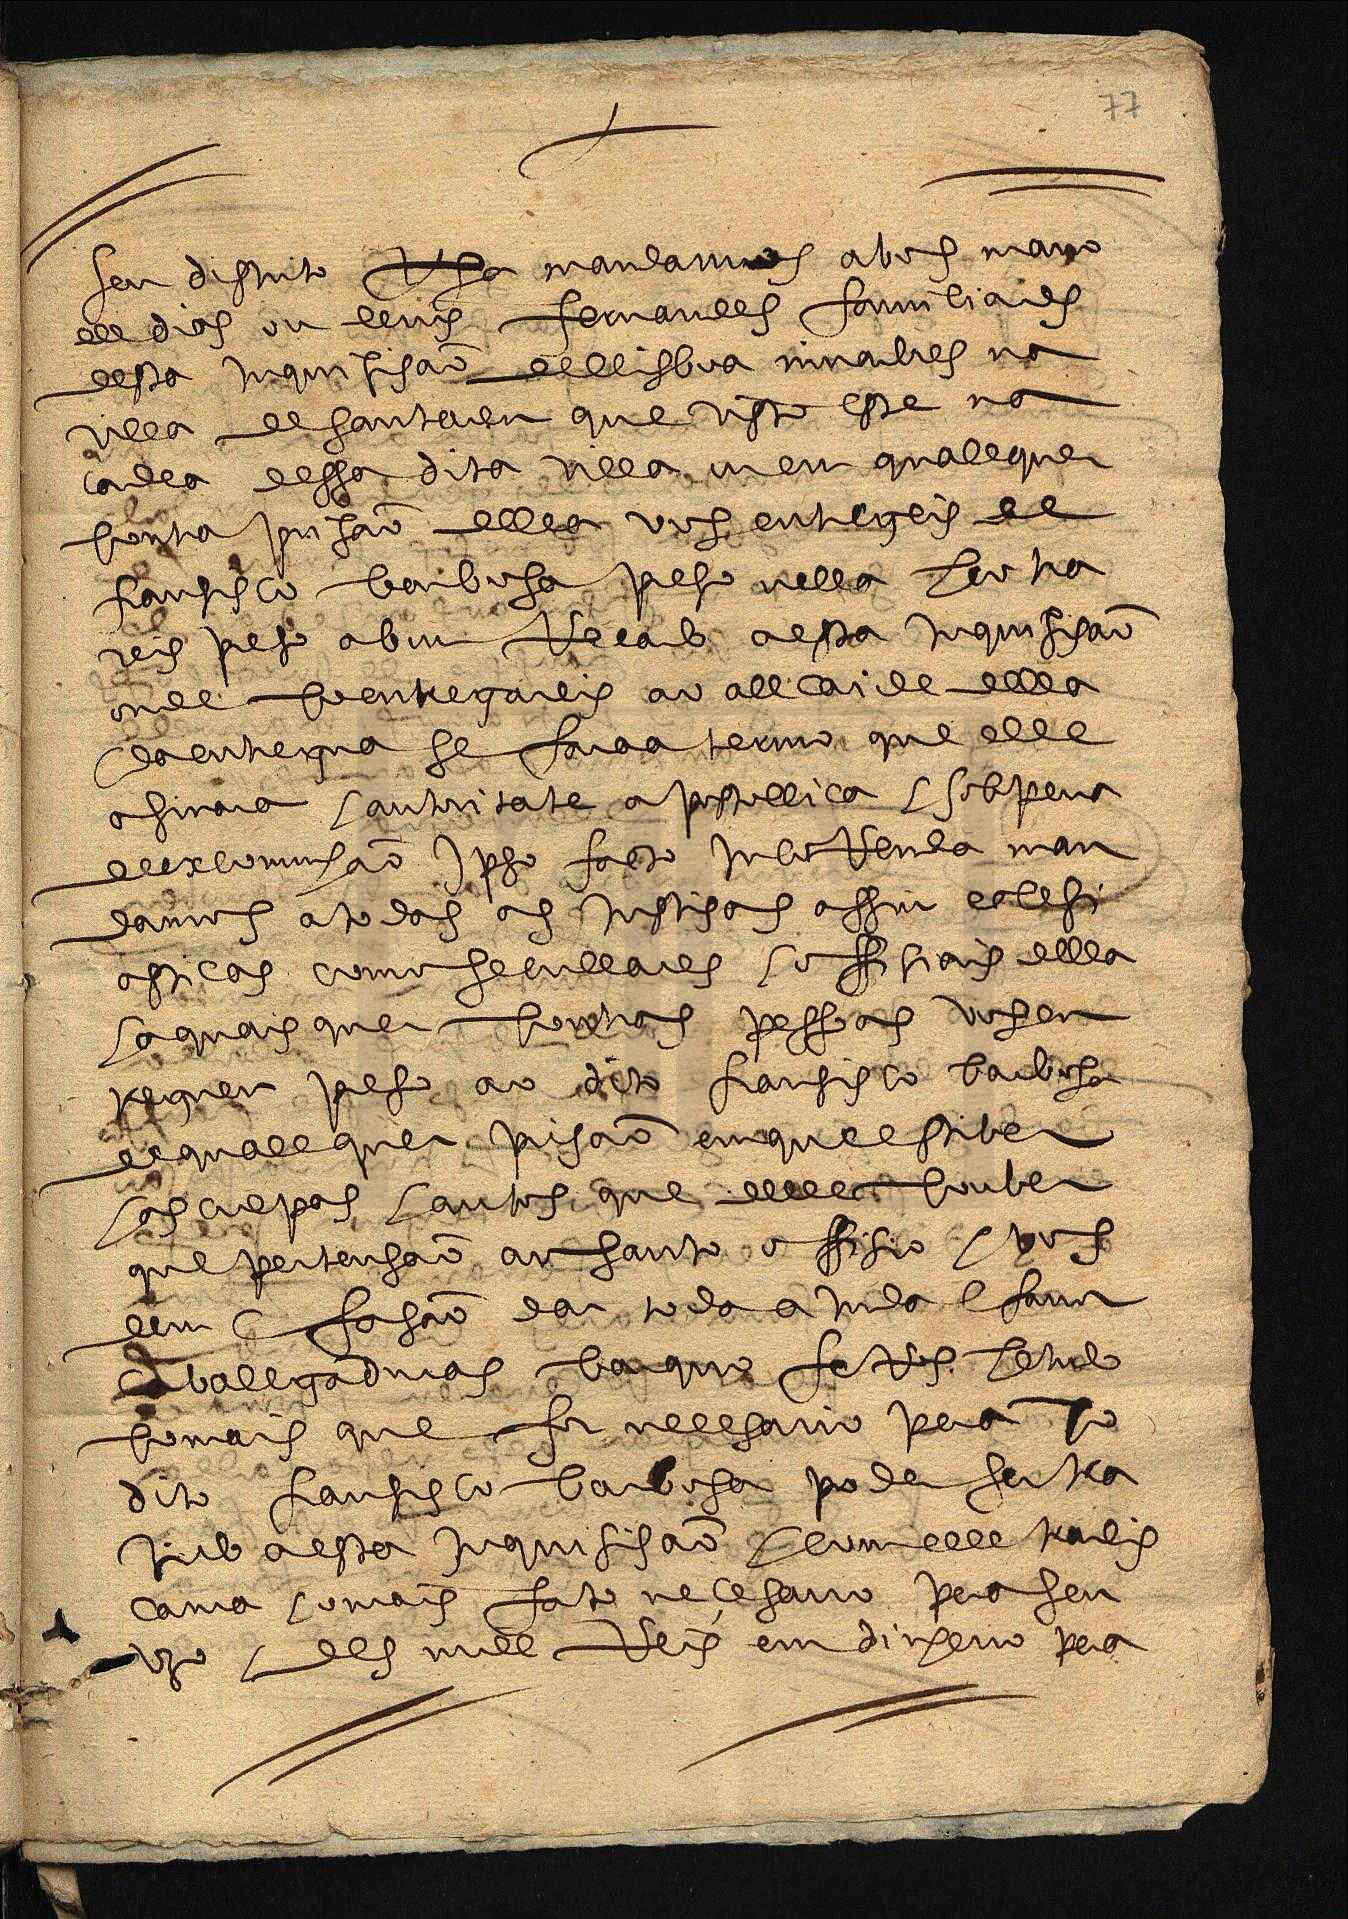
seu distrito c̄ꝭa mandamos a vos mano
ell dias ou lluis fernandes familiares
desta Inquisisaõ de llisboa moradores na
villa de santaren que visto este na
cadea dessa dita villa ou em quallquer
houtra prisaõ della vos entregeis de
fransisco barbosa preso nella he o tra
reis preso a bon Recado a esta Inquisisão
onde ho entregareis ao allcaide della
e da entregua se faraa termo que elle
asinara E autoritate apostollica E sob pena
de excomunhaõ Jpso facto JncoRenda man
damos a todas as Justisas assin eclesi
asticas como secullares E offisiais della
E a quaisquer houtras pessoas vos en
treguen preso ao dito fransisco barbosa
de quallquer prisaõ em que estiver
E as culpas E autos que delle houver
que pertensaõ ao santo offisio E vos
dem e fasaõ dar toda aIuda e fauor
cavallgaduras barquo feRos he tudo
ho mais que for necesario pera ho
dito fransisco barbosa poder ser tra
zido a esta Jnquisisaõ E com elle trareis
cama E o mais fato neçesario pera seu
vzo E des mill Reis em dinheiro pera
